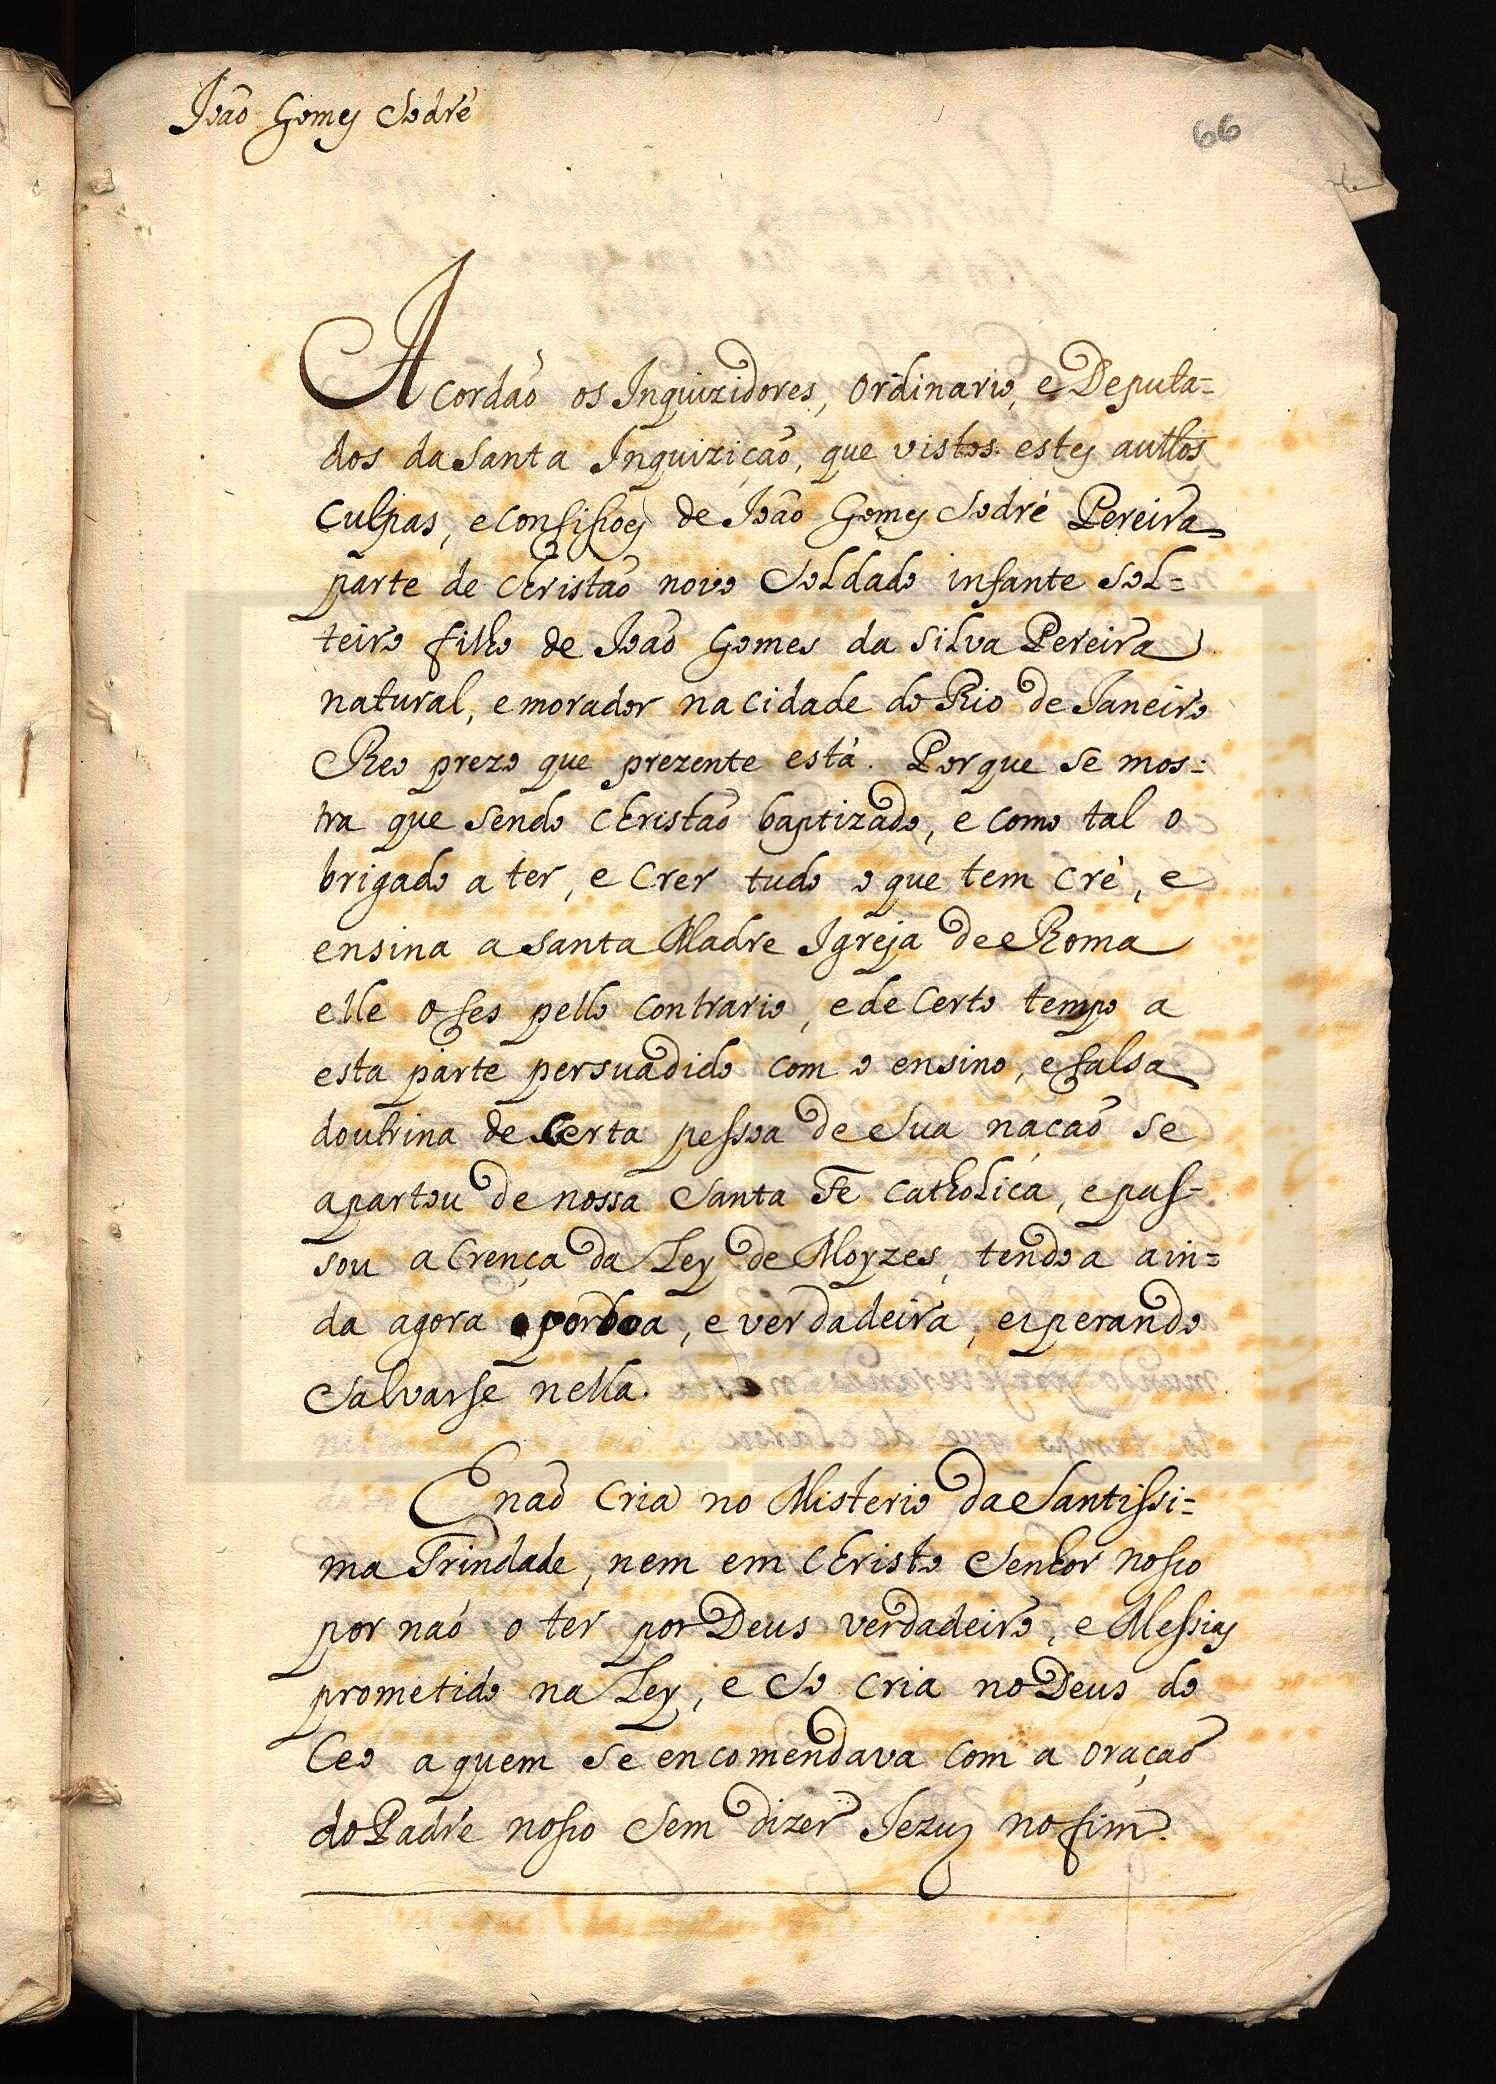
Ioão Gomes Sodré
Acordão os Inquizidores, Ordinario, e Deputa
dos da Santa Inquizição, que vistos estes auttos
Culpas, e confissoes de Ioão Gomes Sodré Pereira
parte de christaõ novo Soldado infante sol
teiro filho de Ioão Gomes da Silva Pereira
natural, e morador na cidade do Rio de Ianeiro
Reo prezo que prezente está. Porque se mos
tra que sendo christaõ baptizado, e como tal o
brigado a ter, e crer tudo o que tem cré, e
ensina a Santa Madre Igreja de Roma
elle o fes pello contrario, e de certo tempo a
esta parte persuadido com o ensino, e falsa
doutrina de certa pessoa de sua naçaõ se
apartou de nossa Santa Fe Catholica, e pas
sou a crença da Ley de Moyzes, tendo a ain
da agora _ por boa, e verdadeira, esperando
Salvarse nella.
E naõ cria no Misterio da Santissi
ma Trindade, nem em Christo Senhor nosso
por naõ o ter por Deus verdadeiro, e Messias
prometido na Ley, e so cria no Deus do
Ceo a quem se encomendava com a oraçaõ
do Padre nosso Sem dizer Jezus no fim.
